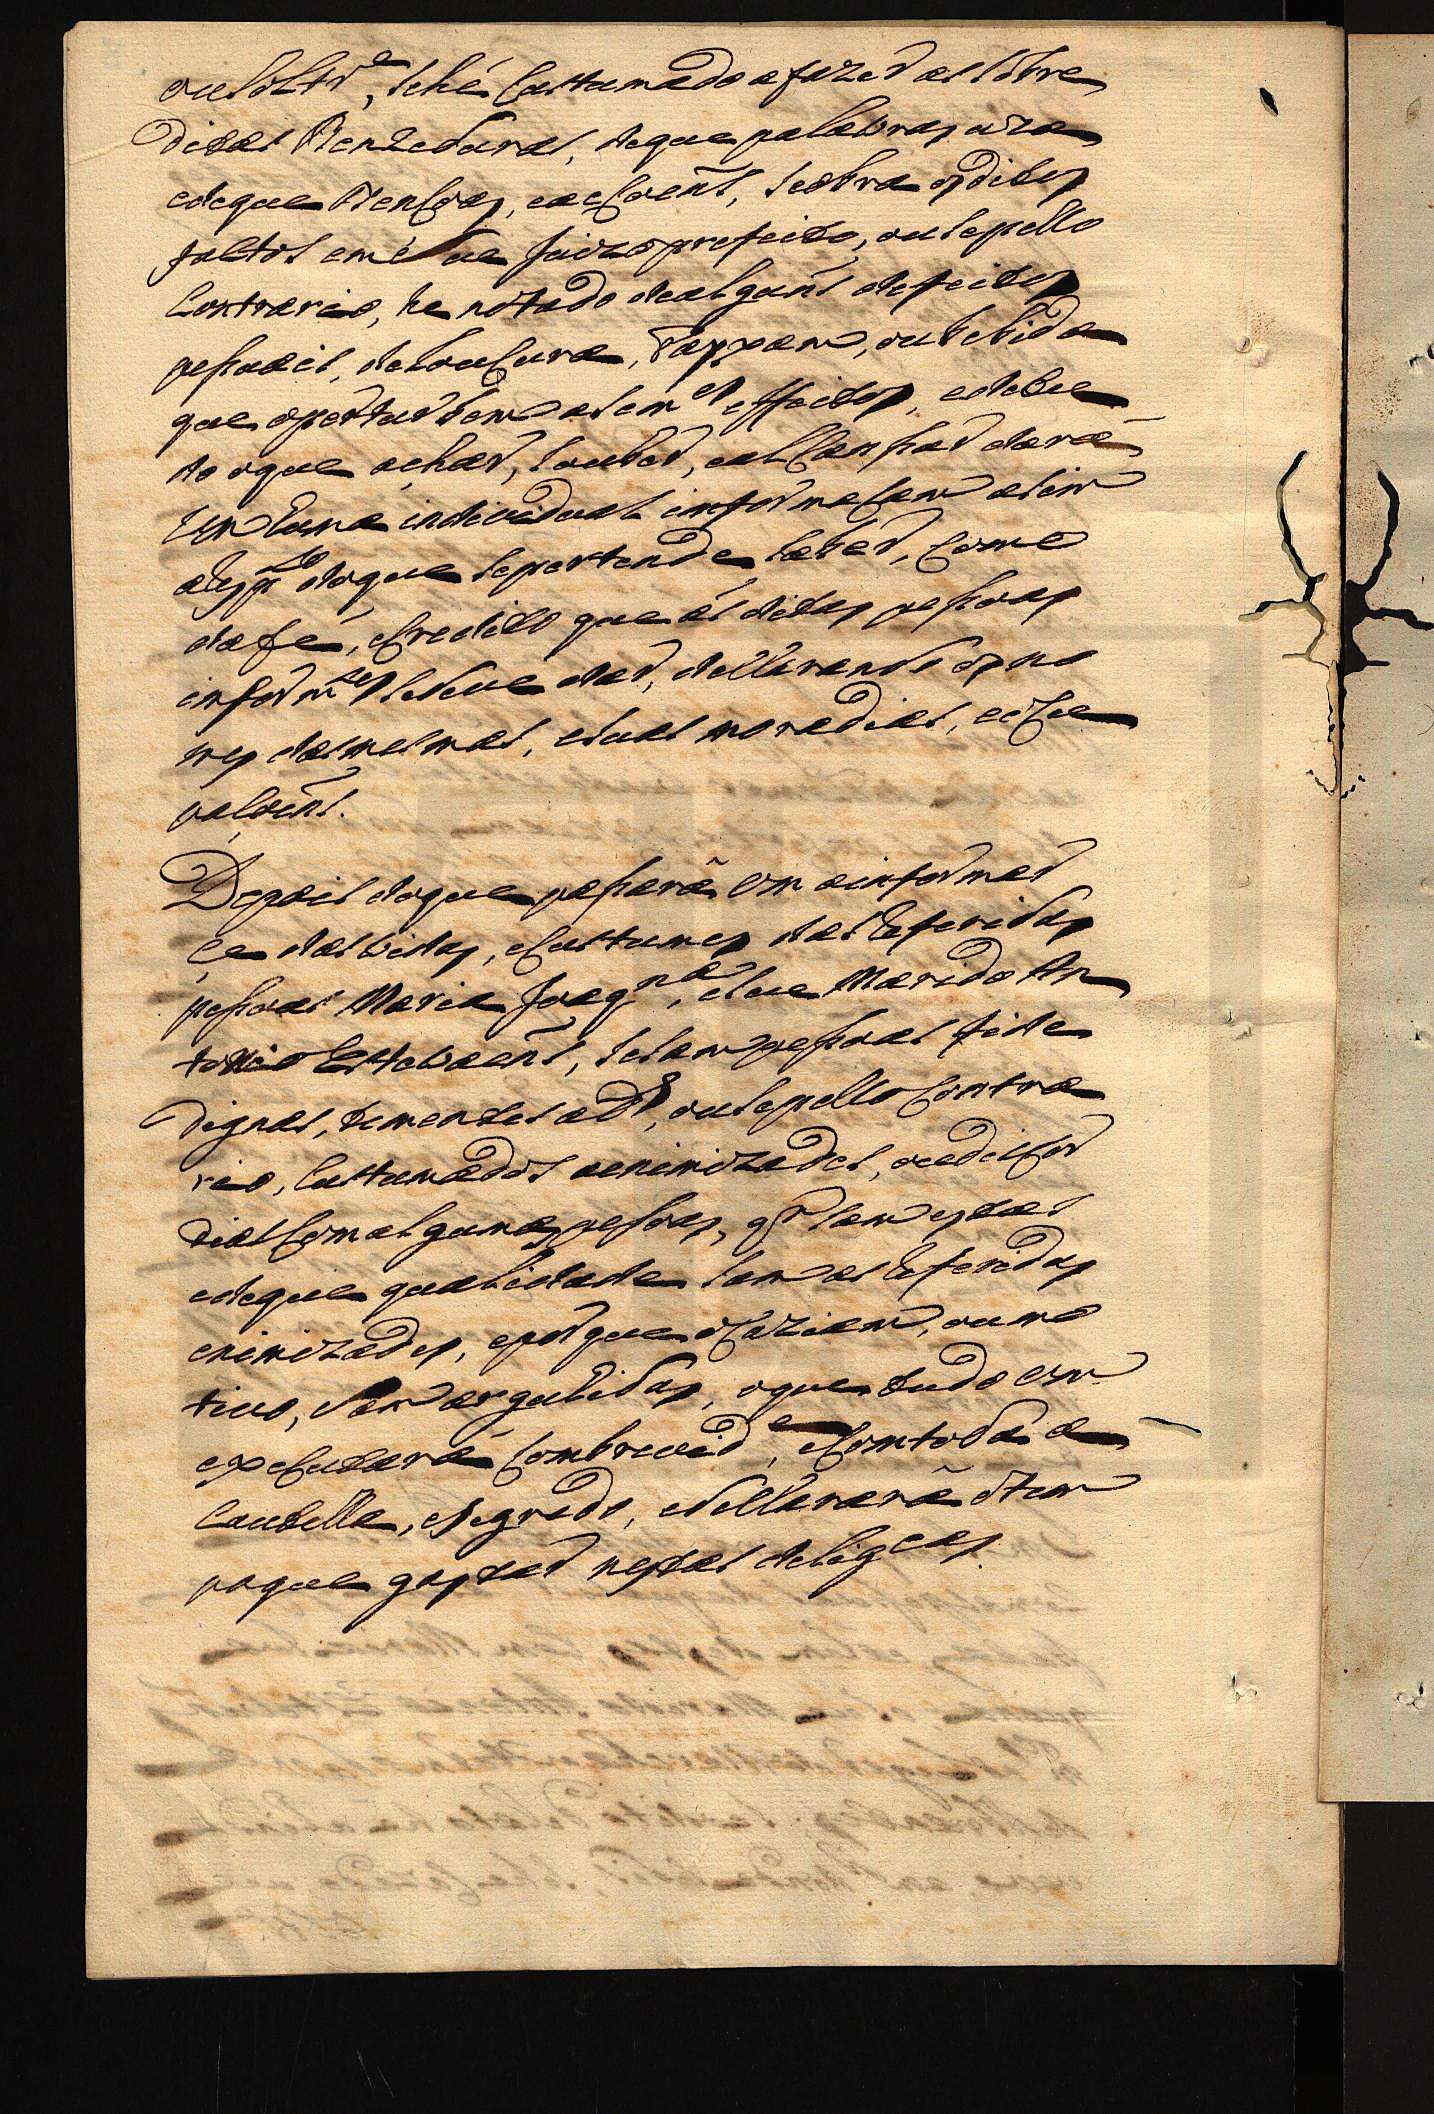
ou soLtro, se hé costumado a fazer as sobre
ditas Benzeduras, de que palavras uza
e de que BenÇaos, e acCoeñs, se obra os ditos
factos em seu Juizo prefeito, ou se pello
contrario, he notado de alguñs defeitos
pessuais, de LouCura, Payxam, ou bebida
que o perturbem a semes effeitos, e de tu
do o que açhar, souber, e alCanssar dara
vm huma individual imformaCam asim
a Respto do que se pertende saber, Come
da fé, e Credito que ás ditas pessoas
imformtes se deue dar, declarando os no
mes dos mesmos, e suas moradias, e oCu
paçoeñs.
Depois do que passará vm a informer
çe das vidas, e Custumes das Referidas
pessoas Maria Joaqna, e seu Marido An
tonio Estevaeñs, se sam pessoas fide
dignas, tementes a Ds, ou se pello Contra
rio, Custumados a enimizades, ou disCor
dias Com algumas pesoas, qn sam estas
e de que qualidade sam as Referidas
enimizades, e porque oCaziam, ou mo
tivo, sam arguhidas, o que tudo vm
exeCutará Com brevide, e Com toda a
Cautella, e segredo, e declarará o tem
po que gastar nestas deligcas.
